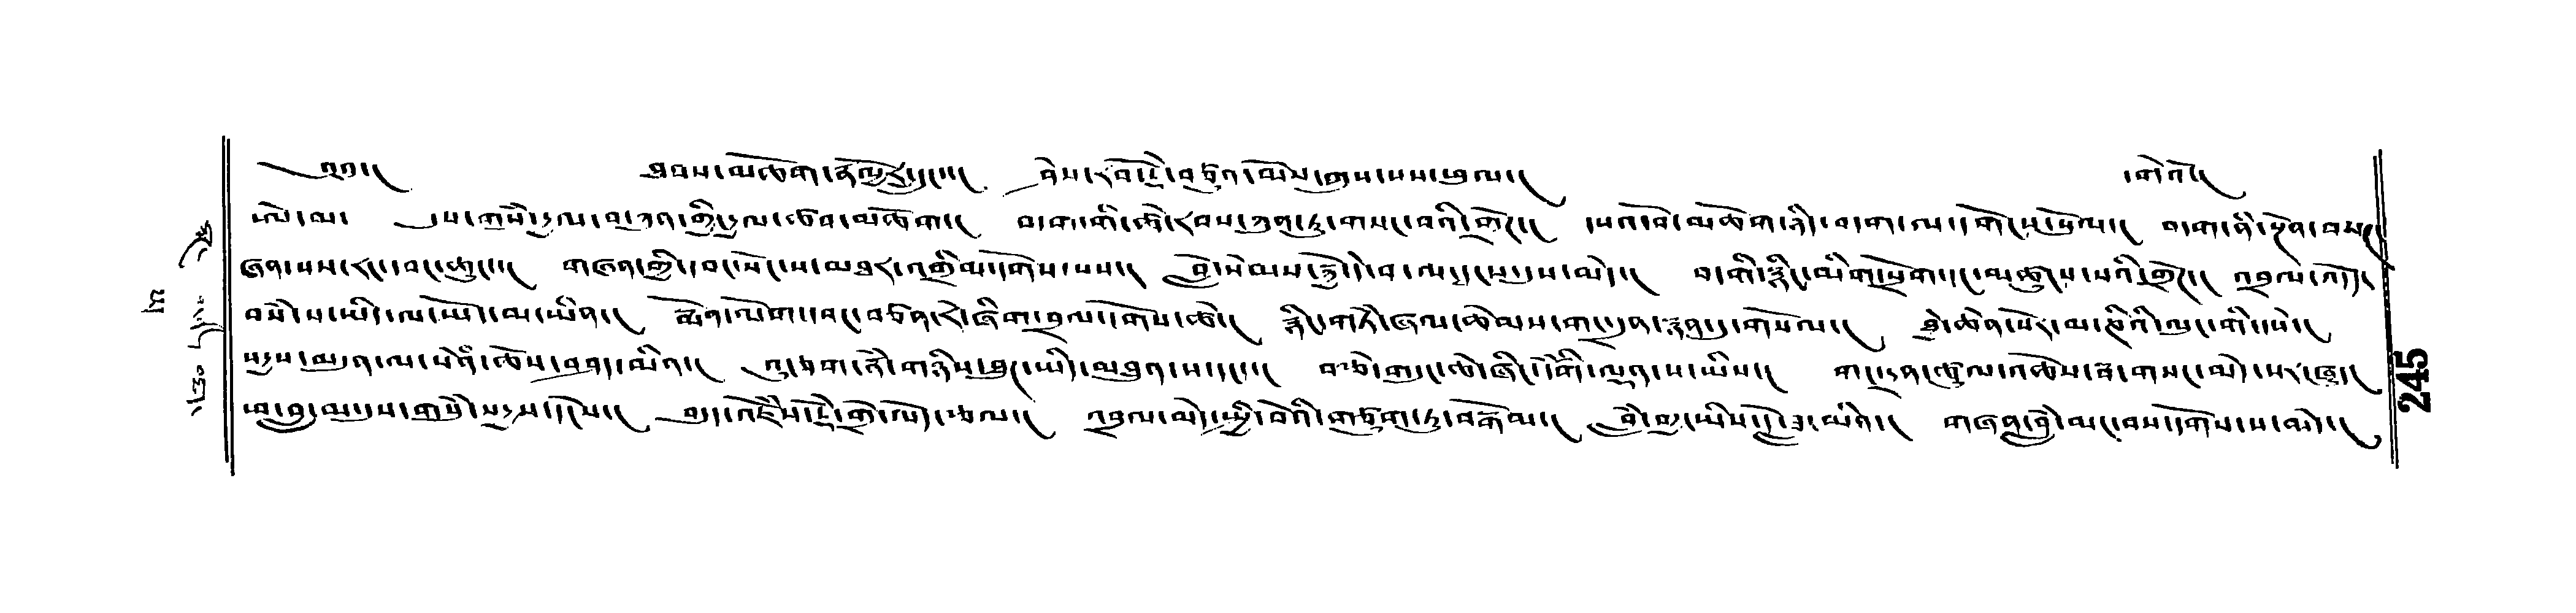ཐབས་མཆོག་རྣལ་འབྱོར་དྲུང་། །ཤེས་རབ་རྡོ་རྗེ་བཙུན་མོས་གུས་པས་ཕུལ།། དགེའོ།། 
ཨེ་མ། དུས་གསུམ་རྒྱལ་བ་ཀུན་གྱི་རྒྱལ་ཚབ་མཆོག །བདག་གི་ཚེ་རབས་ཀུན་ཏུ་གསང་བའི་གྲོགས། །དཔའ་བོ་མཆོག་ཉིད་བདག་ལ་དགོངས་སུ་གསོལ། །བདག་ནི་སྔོན་བསགས་
ཞན་པས་རང་དབང་ཆུང་། །གཞན་གྱི་དབང་སོང་ས་མཐར་འགྲིམ་དགོས་པས། །བློ་སེམས་སྐྱོ་བ་དེ་ལ་དྭངས་དུས་མེད། །བདག་གི་སྙིང་མིག་སྲོག་དང་མཚུངས་པའི་གྲོགས། །འབྲལ་འདོད་
བསམ་པ་ཡིད་ལ་ཡོད་མ་ཡིན། །སྨོན་ལོག་དབང་བཙན་རེ་ཞིག་བྲལ་དགོས་ཚེ། །སྙིང་གཏམ་ཞལ་ཆེམས་གང་དྲན་སྙན་དུ་གསོལ། །ཐུགས་རྗེ་ཆེན་པོར་མ་ཎིའི་ལུང་གི་དཔེ། །
སངས་རྒྱས་མདུན་ལ་སེམས་ཅན་ཆོས་བཤད་མིན། །འུ་ཅག་རྣམ་གཉིས་ཐུགས་ཡིད་མཐུན་པ་དང་། །བརྩེ་གདུང་ཆེ་ཞིང་དམ་ཚིག་ལྡན་པ་ཡིས། །གང་དྲན་ཚུལ་འཆོས་སྦ་གསང་མེད་པར་ཞུ། 
ཕ་བླ་མ་དུས་གསུམ་སངས་རྒྱས་དངོས། །བདུད་འཇོམས་རྡོ་རྗེ་གྲོ་ལོད་རྩལ། །འབྲལ་མེད་སྤྱི་བོའི་གཙུག་ཏུ་བསྒོམ། །བླ་མ་བརྒྱ་ཡིས་དོ་ཟླ་མིན། །གཞན་བླ་མ་མང་བས་དགོས་པ་མེད།